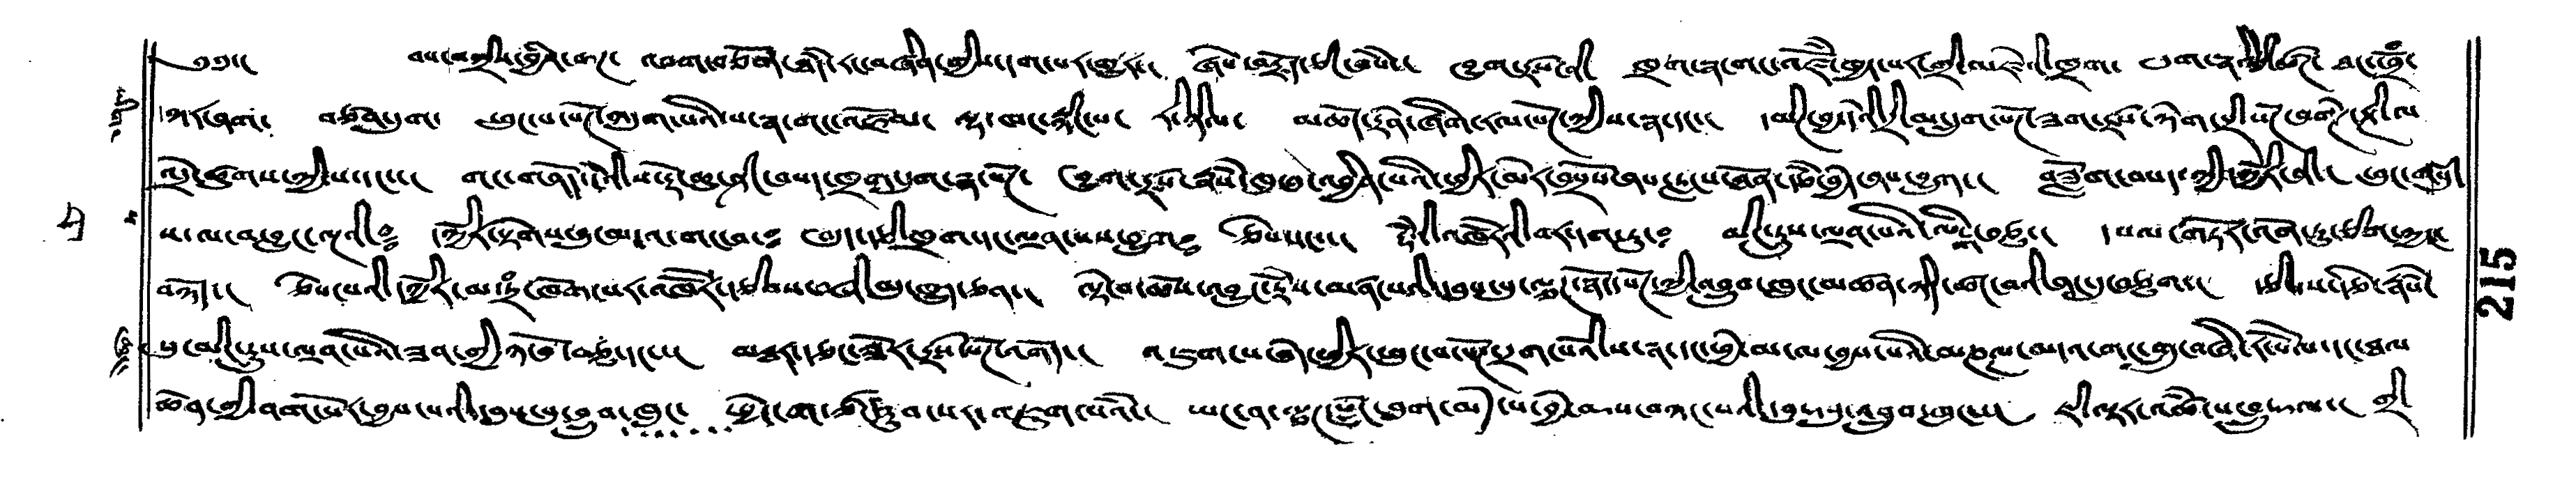བཀྲ་ཤིས་བྱིན་ཆགས། འབག་བཙོག་ཐམས་ཅད་རང་བཞིན་གྱིས་དག་པར་གྱུར། ཞེས་བརྗོད་ཅིང་བསམ། བྱུག་རྫས་ནི། ཁྲག་སྣ་གང་འཛོམ་ཁྱད་པར་གྲི་མཛེའི་ཁྲག དུག་སྣའི་རྩི་ཚོགས། ཐང་ཁྲོཾ་
དཀར་ནག བཙན་དུག ཕུང་ས་སོགས་གདུག་པའི་ས་སྣ་གང་འཛོམ། ལྷ་ཁང་རྙིང་པ། རི་ཉིལ། མཆོད་རྟེན་ཞིག་རལ་སོགས་ཀྱི་ས་སྣ་དང་། དམིགས་བྱ་དེའི་དྲི་མ་དྲུག་སོགས་ཟག་རྫས། ཀེག་སྲི་སོགས་བགེགས་རིགས་ལ་
འདྲེ་ཚུགས་ཀྱི་ས་དང་། གང་གནོད་དེའི་ས་རྡོ་ཆུ་ཤིང་བསད་ཁྲག་དུག་སྣ་སོགས། བྱུག་རྫས་རྣམས་ཁུ་བ་འབྱིན་པའི་ཕྱིར་མེར་བསྲོས་ནས་རླངས་ཐོན་ཙམ་བྱེད་ནས་བྱུག བཟློག་བསད་ཀྱི་དཀྱིལ་འཁོར་ནི། །ཕུང་གསུམ་
ས་ལ་བ་བྱུང་ལྔའི། །དཀྱིལ་འཁོར་སྟེགས་བུ་མདའ་གང་བ། །བདུད་རྩི་ཁྲག་དང་ལྡན་པས་བྱུག །ཅེས་དང་། རྡོ་རྗེ་འཁོར་ལོའི་བར་དག་ཏུ། །མིང་རུས་ལྡན་པའི་ལིངྒ་བཅུ། །དཔལ་གཏོར་འོག་ཏུ་གཅིག་ཀྱང་
བཀོད། ཅེས་པའི་དཀྱིལ་འཁོར་མ་ཏྲཾ་གྱི་ཁོག་པར་འཁོར་ལོ་རྩིབས་བཞི་མུ་ཁྱུད་ཅན། ལྟེ་བ་ཆོས་འབྱུང་རྡོ་རྗེས་མཚན་པའི་དབུས་སུ་ལྕགས་སྣོད་སོགས་ཀྱི་བྲུབ་ཁུང་མཚན་ཉིད་ཚང་བའི་ནང་དུ་བཅུག རྩིབས་རྩེ་རྣམས་
སུ་མིང་རུས་ལྡན་པའི་ཟན་གྱི་ཉ་བོ་བཅུ་དང་། མཐར་རྩང་དང་ཟོར་རྫས་སོགས་འགོད། འཇུག་པ་བདེ་ཕྱིར་ཕུང་ས་སོགས་དྲག་པོའི་ས་སྣ་དང་ཕྱེ་མ་ལ་བྱས་པའི་མཎྜལ་མདའ་གང་གྲུ་བཞི་རོ་སོལ་དང་ཐལ་
ཆེན་གྱིས་ནག་པོར་བྱས་པའི་དབུས་སུ་བྲུབ་ཁུང་། ཕྱེད་ཙམ་ནུབ་པར་འཇུག་པའམ། ཡང་ན་ལྕགས་སླང་བུག་མེད་པ་བྱེ་མས་བཀང་པའི་དབུས་སུ་བྲུབ་ཁུང་།ཇི་ལྟར་འཚམས་པ་བླང་ལ། གྲི་